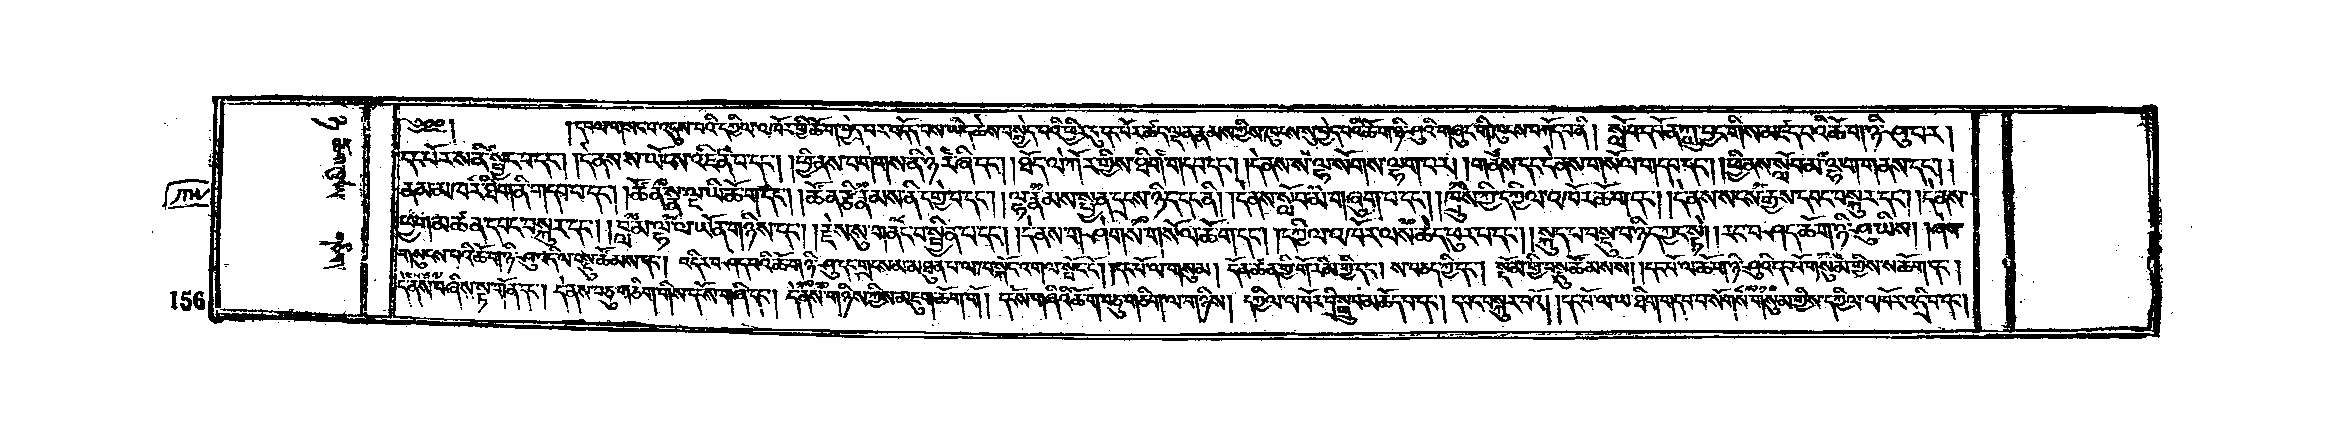༄༅༅། ། དཔལ་གསང་བ་འདུས་པའི་དཀྱིལ་འཁོར་གྱི་ཆོ་ག་བྱེད་པར་འདོད་པས་ཡིད་ཆེས་བསྐྱེད་པའི་ཕྱིར་དུ་དང་པོར་ཚད་ལྡན་རྣམས་ཀྱིས་ཁུངས་སུ་བྱེད་པའི་ཆོ་ག་ཉི་ཤུའི་གཞུང་གི་ཁུངས་བཀོད་པ་ནི།  སློབ་དཔོན་ཀླུ་བྱང་གིས་མཛད་པའི་ཆོ་ག་ཉི་ཤུ་པར།
དང་པོར་ནི ༡་སྦྱང་བ་དང་། །དེ་ནས་ས་ཡོངས་འཛིན ༢་པ་དང་། །ཕྱི་ནས་བགེགས་ནི་ཉེར ༣་ཞི་དང་། །ཐོད་ལེ་ཀོར་གྱིས་ཐིག ༤་འདབ་དང་། །དེ་ནས ༥་ས་ལྷ་སོགས་ལྷག་པར། །གནས ༦་དང་དེ་ནས་གསོལ་གདབ་དང་། །ཕྱི་ནས་སློབ་མ ༧་ལྷག་གནས་དང་། །
ནམ་མཁར ༨་ཐིག་ནི་གདབ་པ་དང་། །ཚོན ༩་སྣ་ལྔ་ཡི་ཆོ་ག་དང་། །ཚོན་རྩི ༡༠་རྣམས་ནི་དགྱེ་བ་དང་། །ལྷ ༡༡་རྣམས་སྤྱན་དྲངས་ཉིད་དང་ནི། །དེ་ནས་སློབ ༡༢་མ་གཞུག་པ་དང་། །༡༣་ཁྲུས་ཀྱི་དཀྱིལ་འཁོར་ཆོ་ག་དང་། །དེ་ནས་སངས ༡༤་རྒྱས་དབང་བསྐུར་དང་། །དེ་ནས་
༡༥་ཕྱག་མཚན་དབང་བསྐུར་དང་། །བླ ༡༦་མ་ལྷ ༡༧་ལ་ཡོན་གཉིས་དང་། །རྗེས་སུ་གནང ༡༧་བ་སྦྱིན་པ་དང་། །དེ་ནས་གཤེགས ༡༩་གསོལ་ཆོ་ག་དང་། །དཀྱིལ་འཁོར་ལས ༢༠་ཆེད་ཕུར་པ་དང་། །སྐུད་པ་བསྡུ་བ་ཉིད་ཀྱང་སྟེ། །རབ་བཤད་ཆོ་ག་ཉི་ཤུ་ཡིས། །ཞེས་
གསུངས་པའི་ཆོ་ག་ཉི་ཤུ་འདི་ལ་བསྡུ་ཚོམས་དང་། འདིར་བཤད་པའི་ཆོ་ག་ཉི་ཤུ་དང་གྲངས་མ་མཐུན་པ་ལ་ཁ་སྐོང་འགལ་སྤོང་ངོ། །དང་པོ་ལ་གསུམ། དོན་ཚན་གྱི་གོ་རིམ་གྱི་དང་། ས་བཅད་ཀྱི་དང་། སྡོམ་གྱི་བསྡུ་ཚོམས་སོ། །དང་པོ་ལ་ཆོ་ག་ཉི་ཤུའི་དང་པོ་གསུམ ༡༢༣་གྱིས་ས་ཆོག་དང་།
དེ ༡༥༦༧་བཞིས་སྟ་གོན་དང་། དེ་ནས་བཅུ་གཅིག་གིས་དངོས་གཞི་དང་། དེ ༡༩༢༠་ནས་གཉིས་ཀྱིས་མཇུག་ཆོག་གོ །དངོས་གཞིའི་ཆོ་ག་བཅུ་གཅིག་ལ་གཉིས། དཀྱིལ་འཁོར་བྲི་སྒྲུབ་མཆོད་པ་དང་། དབང་བསྐུར་བའོ། །དང་པོ་ལ་ཡ་ཐིག་གདབ་པ་སོགས ༨༩༡༠་གསུམ་གྱིས་དཀྱིལ་འཁོར་འདྲི་བ་དང་།